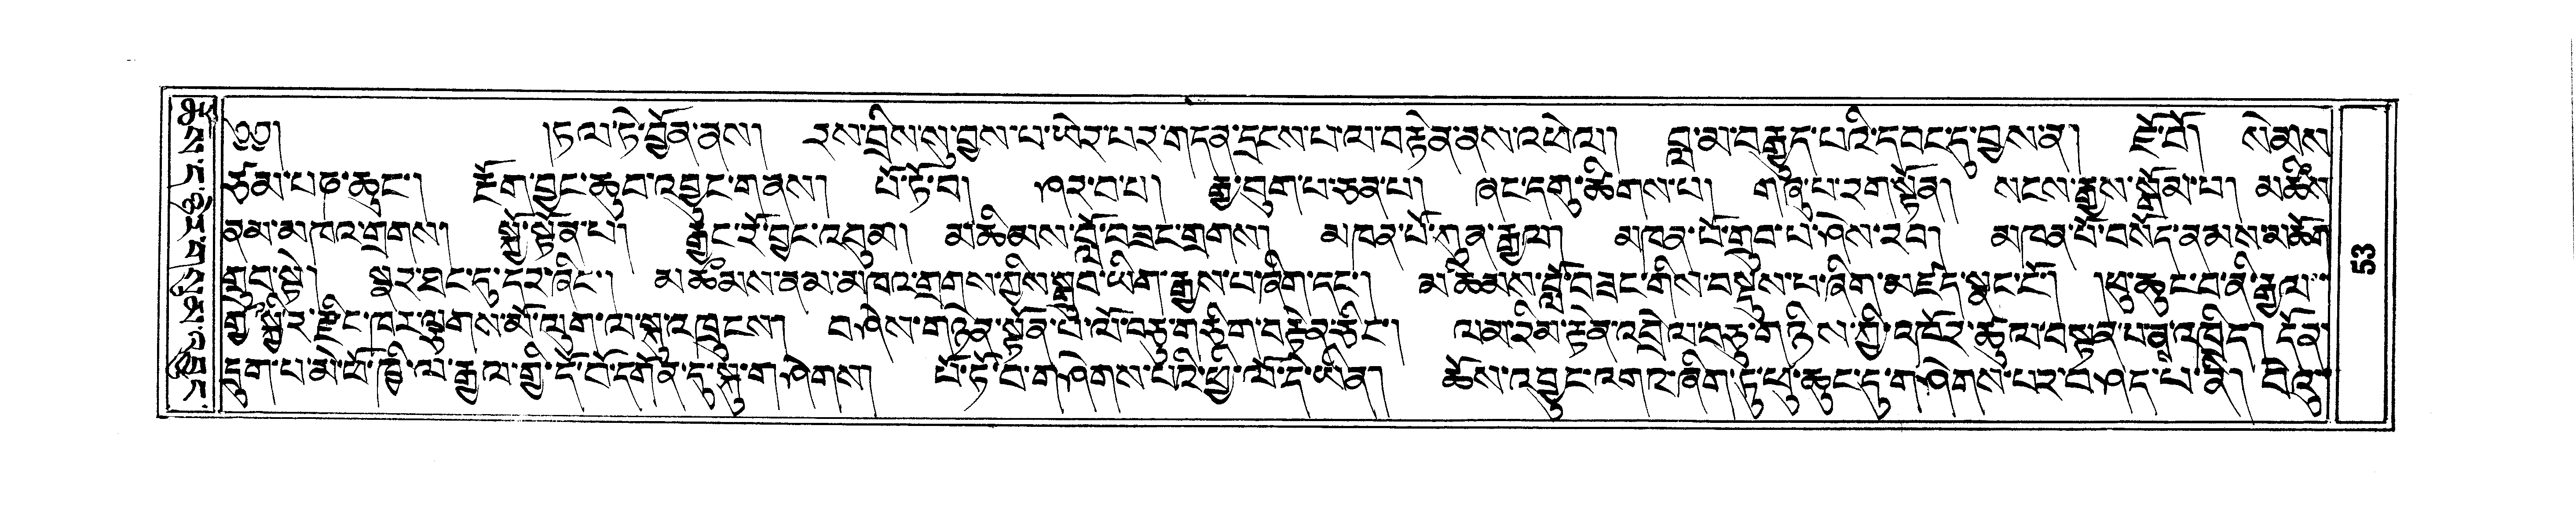༄༅། །ཏལ་ཏེ་བྱོན་ནས། རས་བྲིས་སུ་བྱས་པ་ཡེར་པར་གདན་དྲངས་པ་ལ་བརྟེན་ནས་འཕེལ། བླ་མ་བརྒྱུད་པའི་དབང་དུ་བྱས་ན། ཇོ་བོ། སེམས་
ཙམ་པཎ་ཆུང་། རྔོག་བྱང་ཆུབ་འབྱུང་གནས། པོ་ཏོ་བ། ཤར་བ་པ། རྒྱ་བུག་པ་ཅན་པ། ཞང་དགུ་ཚིགས་པ། གཞུ་པ་རག་སྟོན། སངས་རྒྱས་སྒོམ་པ། མཆིས་
ནམ་མཁའ་གྲགས། སྐྱོ་སྟོན་པ། རྒྱང་རོ་བྱང་འབུམ། མཆིམས་བློ་བཟང་གྲགས། མཁན་པོ་ཀུན་རྒྱལ། མཁན་པོ་གྲུབ་པ་ཤེས་རབ། མཁན་པོ་བསོད་ནམས་མཆོག་
གྲུབ་སྟེ། སྣར་ཐང་དུ་དར་ཞིང་། མཆིམས་ནམ་མཁའ་གྲགས་ཀྱིས་སྒྲུབ་ཡིག་རྒྱས་པ་ཞིག་དང་། མཆིམས་བློ་བཟང་གིས་བསྡུས་པ་ཞིག་མཛད་སྣང་ངོ། །ཕུ་ཆུང་བ་ནི་རྒྱལ་
གྱི་སྐྱི་ར་རྫིང་ཁར་ལྕགས་མོ་ལུག་ལ་སྐུ་འཁྲུངས། བཤེས་གཉེན་སྟོན་པ་ལོ་བཅུ་གཅིག་བརྟེན་ཅིང་། ལམ་རིམ་རྟེན་འབྲེལ་བཅུ་གཉིས་ཀྱི་འཁོར་ཚུལ་བསྟན་པ་ནས་འཁྲིད། དོན་
དྲུག་པ་མེ་ཕོ་ཁྱི་ལ་རྒྱལ་གྱི་དོ་བོ་དགོན་དུ་སྐུ་གཤེགས། པོ་ཏོ་བ་གཤེགས་པའི་ཕྱི་ལོ་དེ་ཡིན། ཆོས་འབྱུང་འགའ་ཞིག་ཏུ་ཕུ་ཆུང་དུ་གཤེགས་པར་བཤད་པ་ནི། བེའུ་